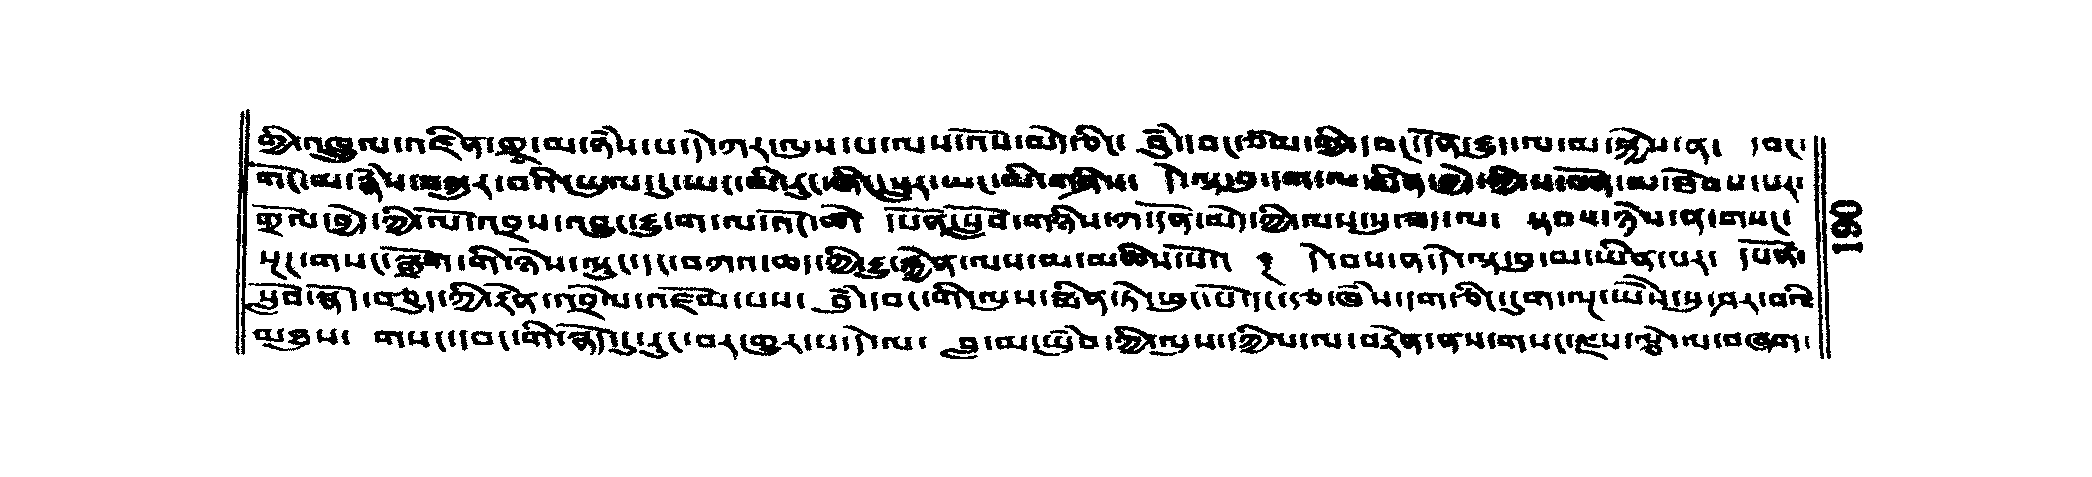གྱི་འཁྲུལ་འཛིན་གྲ་མ་ཉམས་པ་དེ་ཀར་ལུས་པ་ལས་འོས་མེད་ཅིང་། བུམ་དབང་ཙམ་གྱི་དབང་དོན་རྒྱུད་ལ་མ་སྐྱེས་ན། དབང་
གོང་མ་རྣམས་བསྐུར་བའི་ཡུལ་དུ་ཡང་མི་རུང་ཞིང་སླར་ཡང་མི་གཤིས་དེ་ལྟ་བུ་དག་ལ་སྨིན་བྱེད་ཀྱི་ས་བོན་མ་ཐེབས་པར་
གྲོལ་བྱེད་ཀྱི་ལོ་འབྲས་འབྱུང་རྒྱུ་ག་ལ་འོང་ཚེ། དཔོན་སློབ་གཉིས་ཀ་དོན་མེད་ཀྱི་ལས་སུ་ཟད་ལ། སྟབས་ཉེས་ན་གསང་
སྔགས་གསང་སྒྲོག་གི་ཉེས་ལྟུང་དང་བཀའ་ཆད་ཀྱི་རྒྱུ་རྐྱེན་ལས་མ་མཆིས་པའོ། དེ་བས་ན་དེ་ལྟ་བུ་མ་ཡིན་པས། དཔོན་
སློབ་སྣོད་བཅུད་ཀྱི་རྟེན་འབྲེལ་འཛོམ་པས། བུམ་དབང་གི་ལུས་སྨིན་ཏེ་ཕུང་པོ་དང་རྩ་ཁམས་དག་ཅིང་དུག་ལྔ་ཡེ་ཤེས་སུ་ཤར་བའི་
མཐུས། གསང་དབང་གི་སྣོད་དུ་རུང་བར་གྱུར་པ་དེ་ལ། བླ་མ་ཡབ་ཡུམ་གྱི་ལུས་དཀྱིལ་ལ་བརྟེན་ནས་གསང་རྫས་ལྕེ་ལ་བཞག་